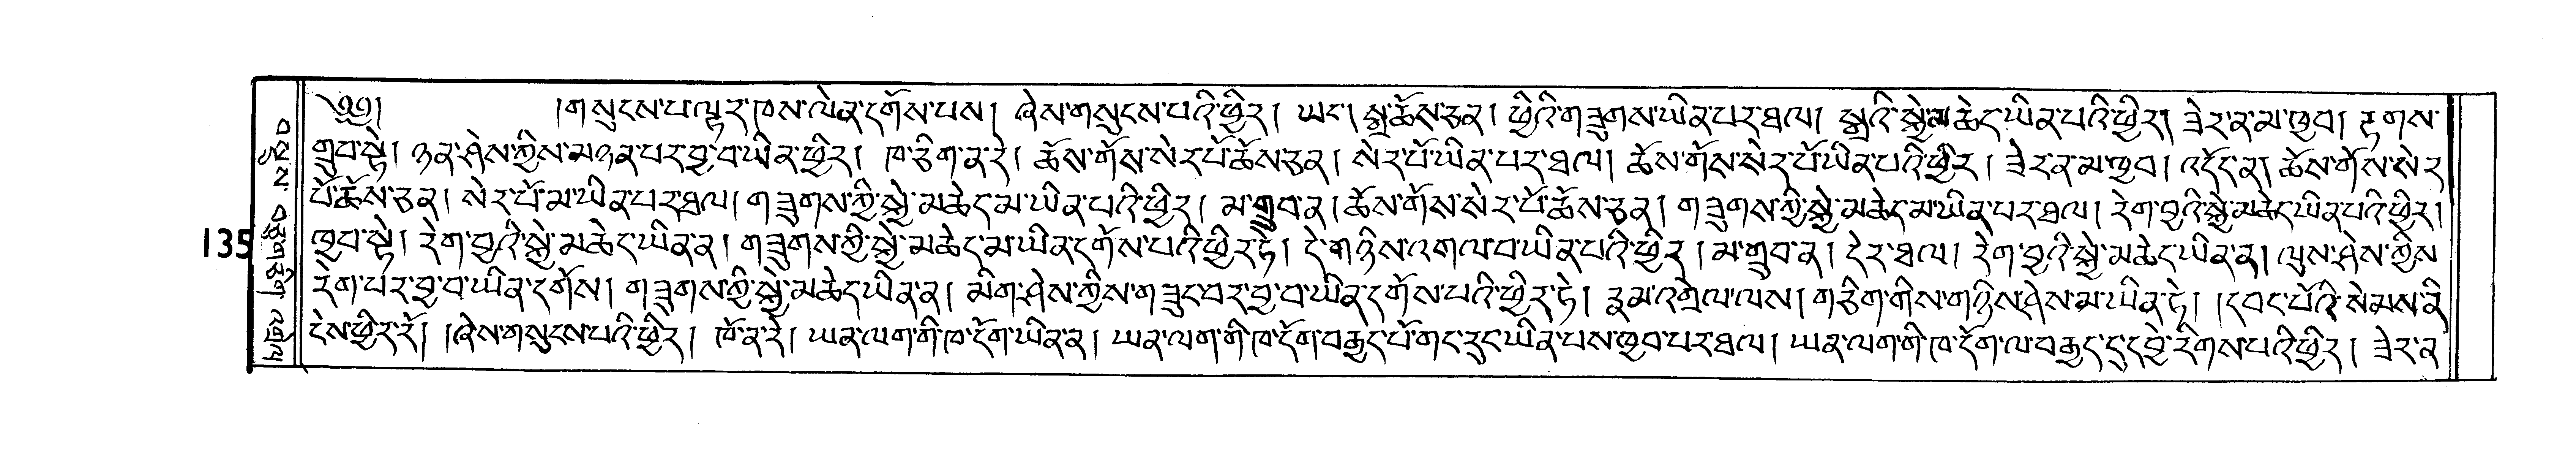༄༅། །གསུངས་པ་ལྟར་ཁས་ལེན་དགོས་པས། ཞེས་གསུངས་པའི་ཕྱིར། ཡང་། སྒྲ་ཆོས་ཅན། ཕྱིའི་གཟུགས་ཡིན་པར་ཐལ། སྒྲའི་སྐྱེ་མཆེད་ཡིན་པའི་ཕྱིར། ཟེར་ན་མ་ཁྱབ། རྟགས་
གྲུབ་སྟེ། ཉན་ཤེས་ཀྱིས་མཉན་པར་བྱ་བ་ཡིན་ཕྱིར། ཁ་ཅིག་ན་རེ། ཆོས་གོས་སེར་པོ་ཆོས་ཅན། སེར་པོ་ཡིན་པར་ཐལ། ཆོས་གོས་སེར་པོ་ཡིན་པའི་ཕྱིར། ཟེར་ན་མ་ཁྱབ། འདོད་ན། ཆོས་གོས་སེར་
པོ་ཆོས་ཅན། སེར་པོ་མ་ཡིན་པར་ཐལ། གཟུགས་ཀྱི་སྐྱེ་མཆེད་མ་ཡིན་པའི་ཕྱིར། མ་གྲུབ་ན། ཆོས་གོས་སེར་པོ་ཆོས་ཅན། གཟུགས་ཀྱི་སྐྱེ་མཆེད་མ་ཡིན་པར་ཐལ། རེག་བྱའི་སྐྱེ་མཆེད་ཡིན་པའི་ཕྱིར།
ཁྱབ་སྟེ། རེག་བྱའི་སྐྱེ་མཆེད་ཡིན་ན། གཟུགས་ཀྱི་སྐྱེ་མཆེད་མ་ཡིན་དགོས་པའི་ཕྱིར་ཏེ། དེ་གཉིས་འགལ་བ་ཡིན་པའི་ཕྱིར། མ་གྲུབ་ན། དེར་ཐལ། རེག་བྱའི་སྐྱེ་མཆེད་ཡིན་ན། ལུས་ཤེས་ཀྱི་
རེག་པར་བྱ་བ་ཡིན་དགོས། གཟུགས་ཀྱི་སྐྱེ་མཆེད་ཡིན་ན། མིག་ཤེས་ཀྱིས་གཟུང་བར་བྱ་བ་ཡིན་དགོས་པའི་ཕྱིར་ཏེ། རྣམ་འགྲེལ་ལས། གཅིག་གིས་གཉིས་ཤེས་མ་ཡིན་ཏེ། །དབང་པོའི་སེམས་ནི་
ངེས་ཕྱིར་རོ། །ཞེས་གསུངས་པའི་ཕྱིར། ཁོ་ན་རེ། ཡན་ལག་གི་ཁ་དོག་ཡིན་ན། ཡན་ལག་གི་ཁ་དོག་བརྒྱད་པོ་གང་རུང་ཡིན་པས་ཁྱབ་པར་ཐལ། ཡན་ལག་གི་ཁ་དོག་ལ་བརྒྱད་དུ་དབྱེ་རིགས་པའི་ཕྱིར། ཟེར་ན་